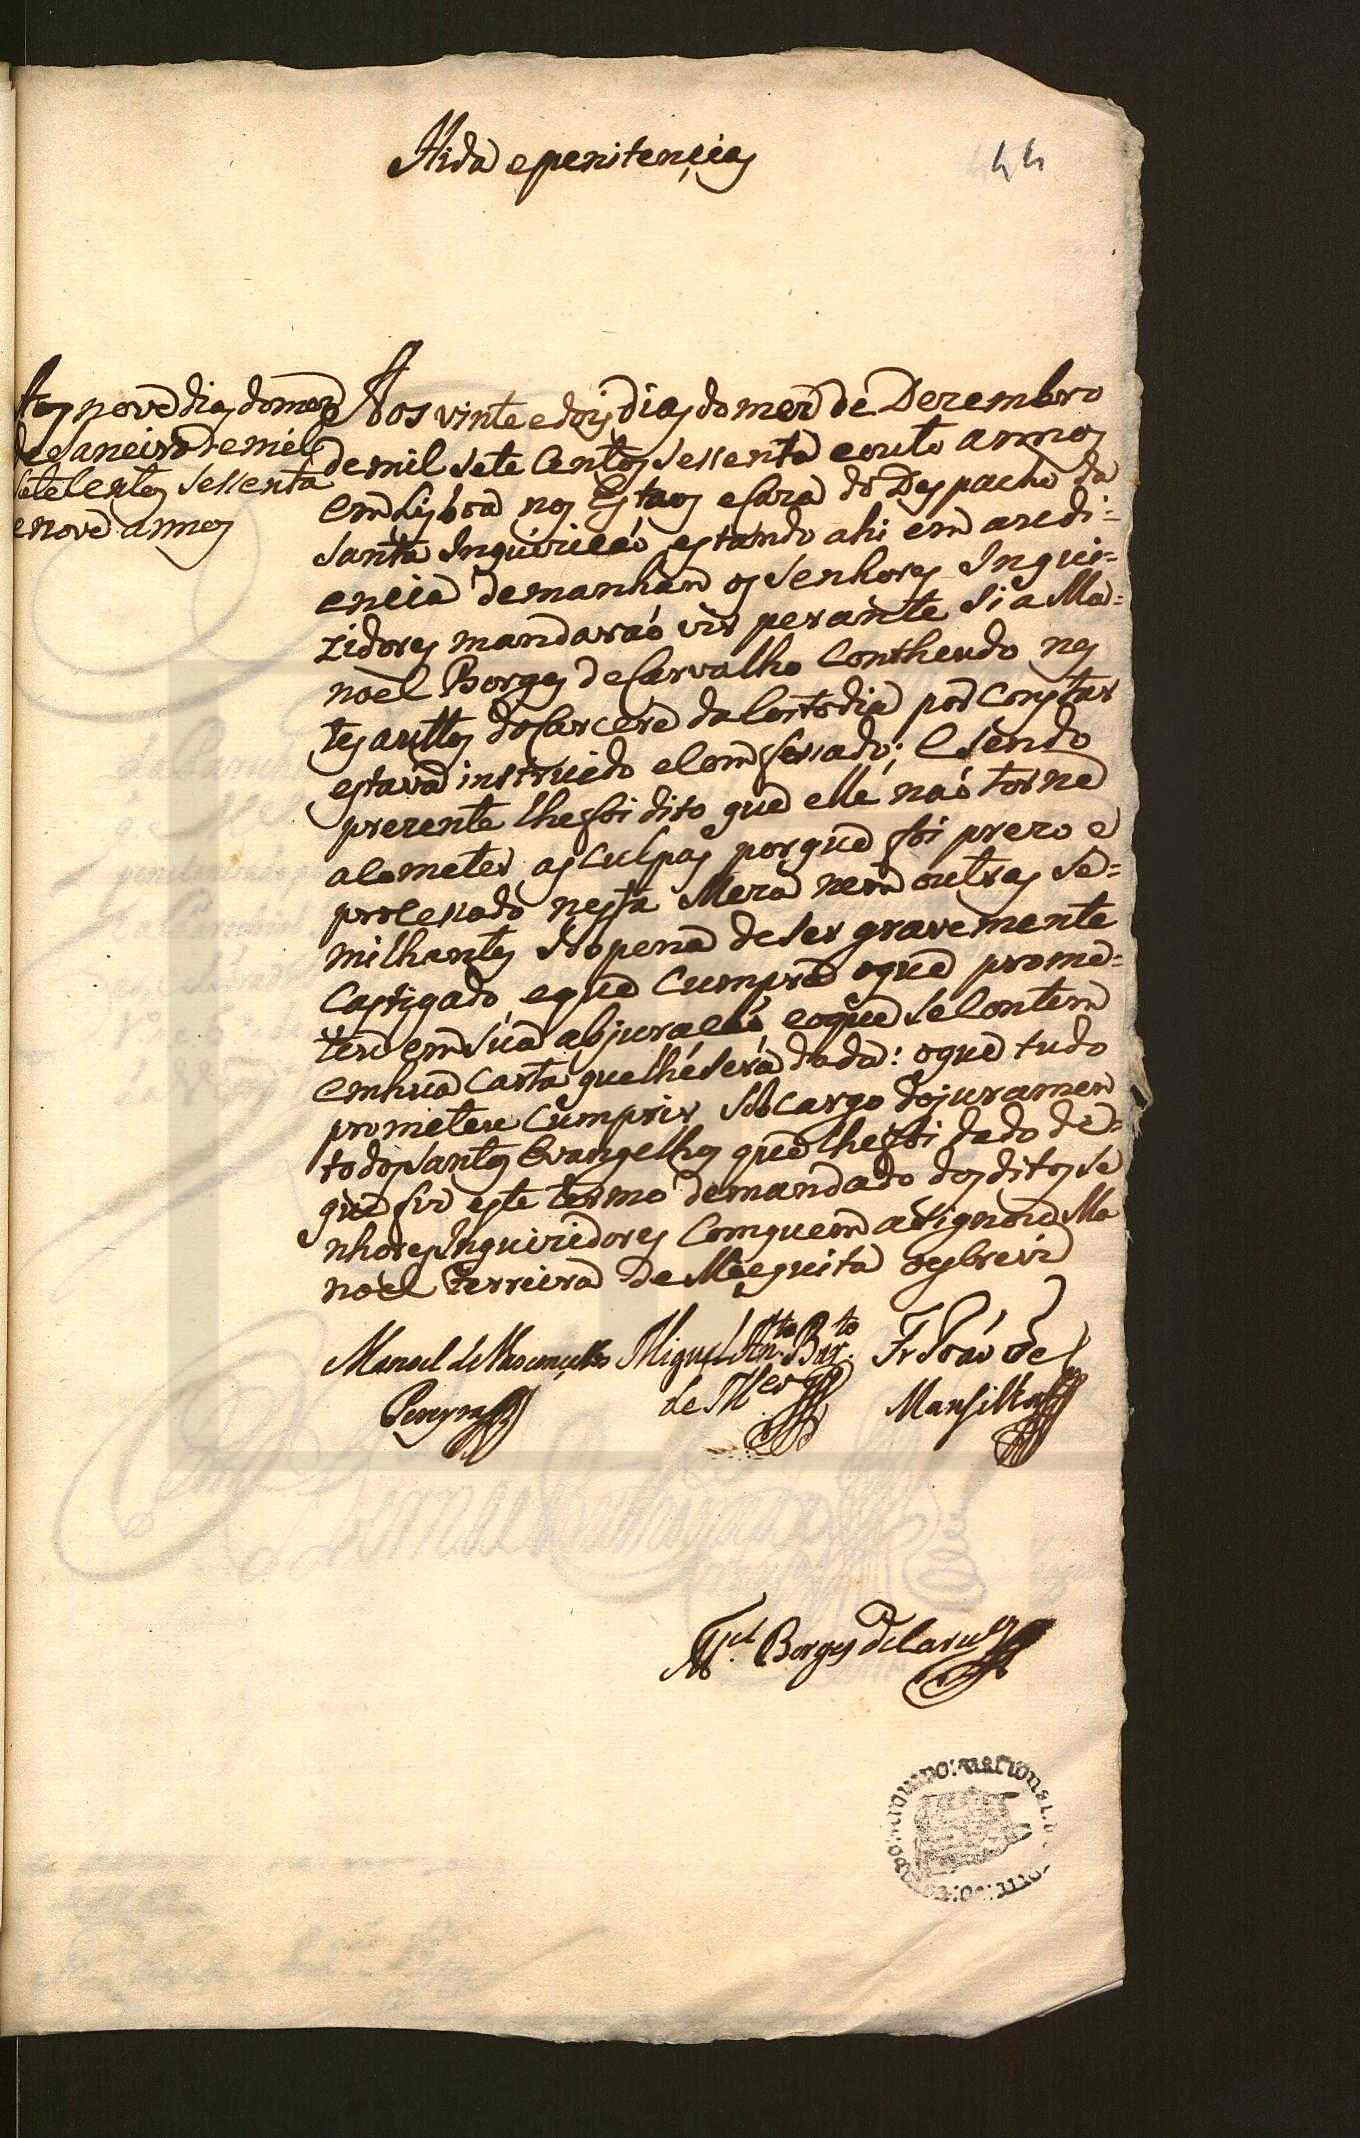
Hida e penitencias
Aos nove dias do mes
e Ianeiro de mil
seteCentos sessenta
e nove annos
Aos vinte e dois dias do mez de Dezembro
de mil seteCentos sessenta e outo annos
em Lisboa nos Estaos e Caza do Despacho da
Santa Inquiziçaõ estando ahi em audi
encia de manhan os senhores Inqui
zidores mandarõ vir perante si a Ma
noel Borges de Carvalho contheudo nes
tes auttos do Carcere da Costodia por constar
estava instruido, e Comfessado; e sendo
prezente lhe foi dito que elle naõ torne
a cometer as culpas porque foi prezo, e
processado nesta Meza nem outras se
milhantes sob pena de ser gravemente
Castigado e que cumpra o que prome
teu em sua abjuraçaõ, e o que se contem
em huā carta, que lhe será dada: o que tudo
prometeu cumprir sob cargo do juramen
to dos santos Evangelhos que lhe foi dado de
que fiz este termo de mandado dos ditos se
nhores Inquizidores Com quem asignou Ma
noel Ferreira de Meequita o esCrevi
Manoel de Vasconçellos
Pereyra
Miguel An.to Bar.to
de M.co
Fr Ioaõ de
Mansilha
M.el Borges de Caru.o
